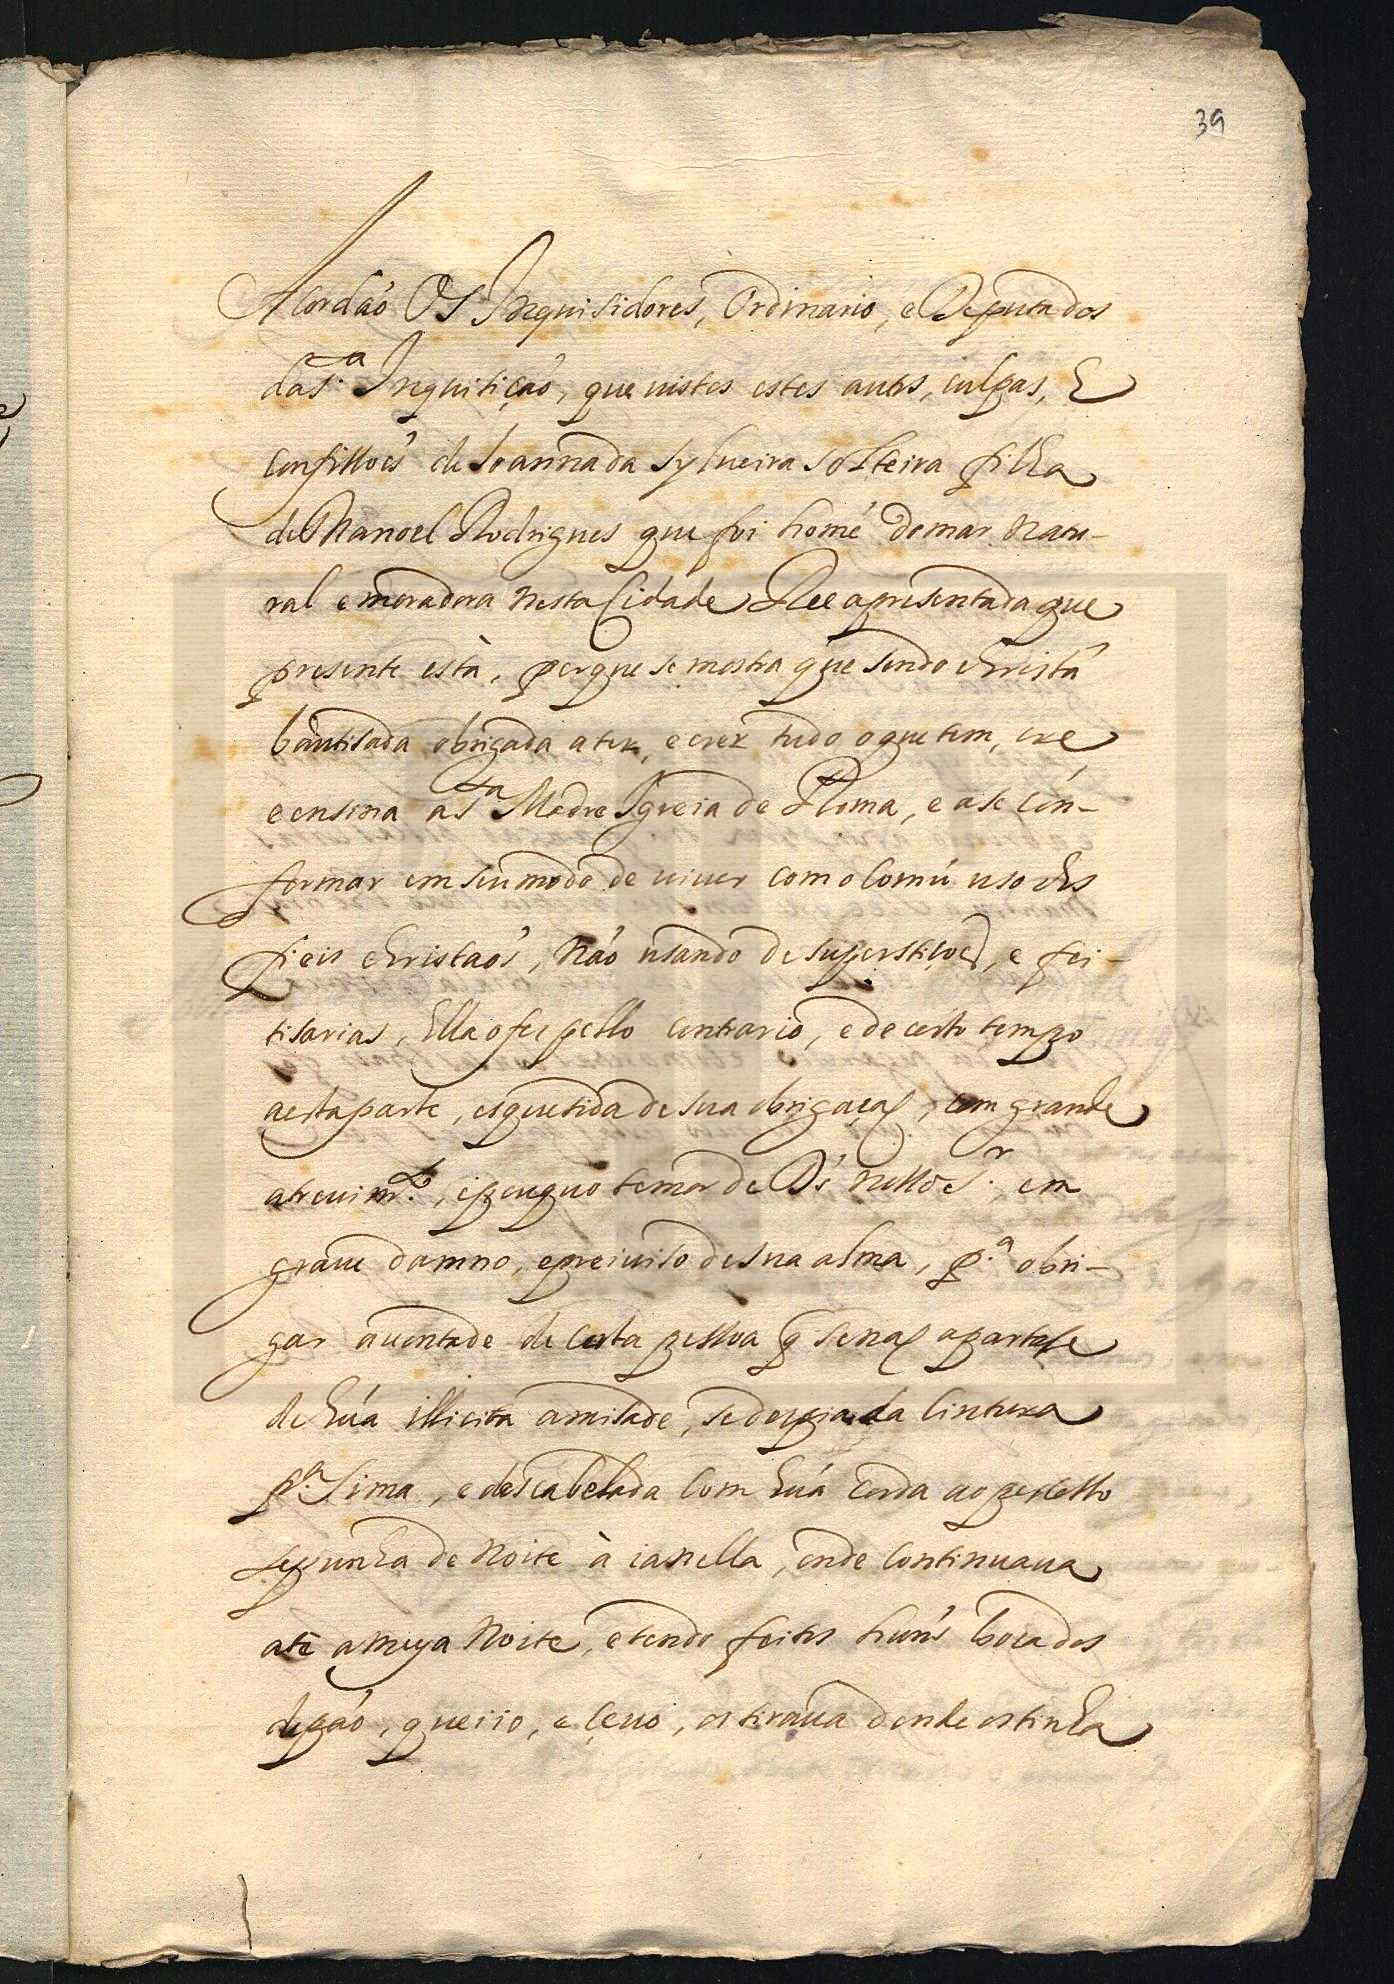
Acordaõ os Inquisidores, Ordinario, e Deputados
da S.ta Inquisiçaõ, que uistos estes autos, culpas, E
confissoẽs de Ioanna da Sylueira solteira filha
de Manoel Rodrigues que foi homẽ de mar natu
ral e moradora nesta Cidade Ree apresentada que
presente està, perque se mostra que sendo christã
bautisada obrigada a ter, e crer tudo o que tem, cre
e ensina a S.ta Madre Igreja de Roma, e a se con
formar em seu modo de uiuer com o Comū uso dos
fieis Christaōs, naõ usando de superstiçoẽs e fei
tisarias, Ella o fez pello contrario, e de certo tempo
a esta parte, esquesida de sua obrigaçaõ, com grande
atrevim.to, e pouquo temor de Ds̄ nosso S.r em
graue damno, e preiuiso de sua alma, p.a obri
gar a uontade de certa pessoa q̄ se naõ apartase
de hūa illicita amisade, se despia da cintura
p.a sima, e descabelada com hūa corda ao pescosso
se punha de noite à ianella, onde continuaua
atè a miya noite, e tendo feitos huns bocados
de paõ e queiio, e çeuo os tiraua donde os tinha
